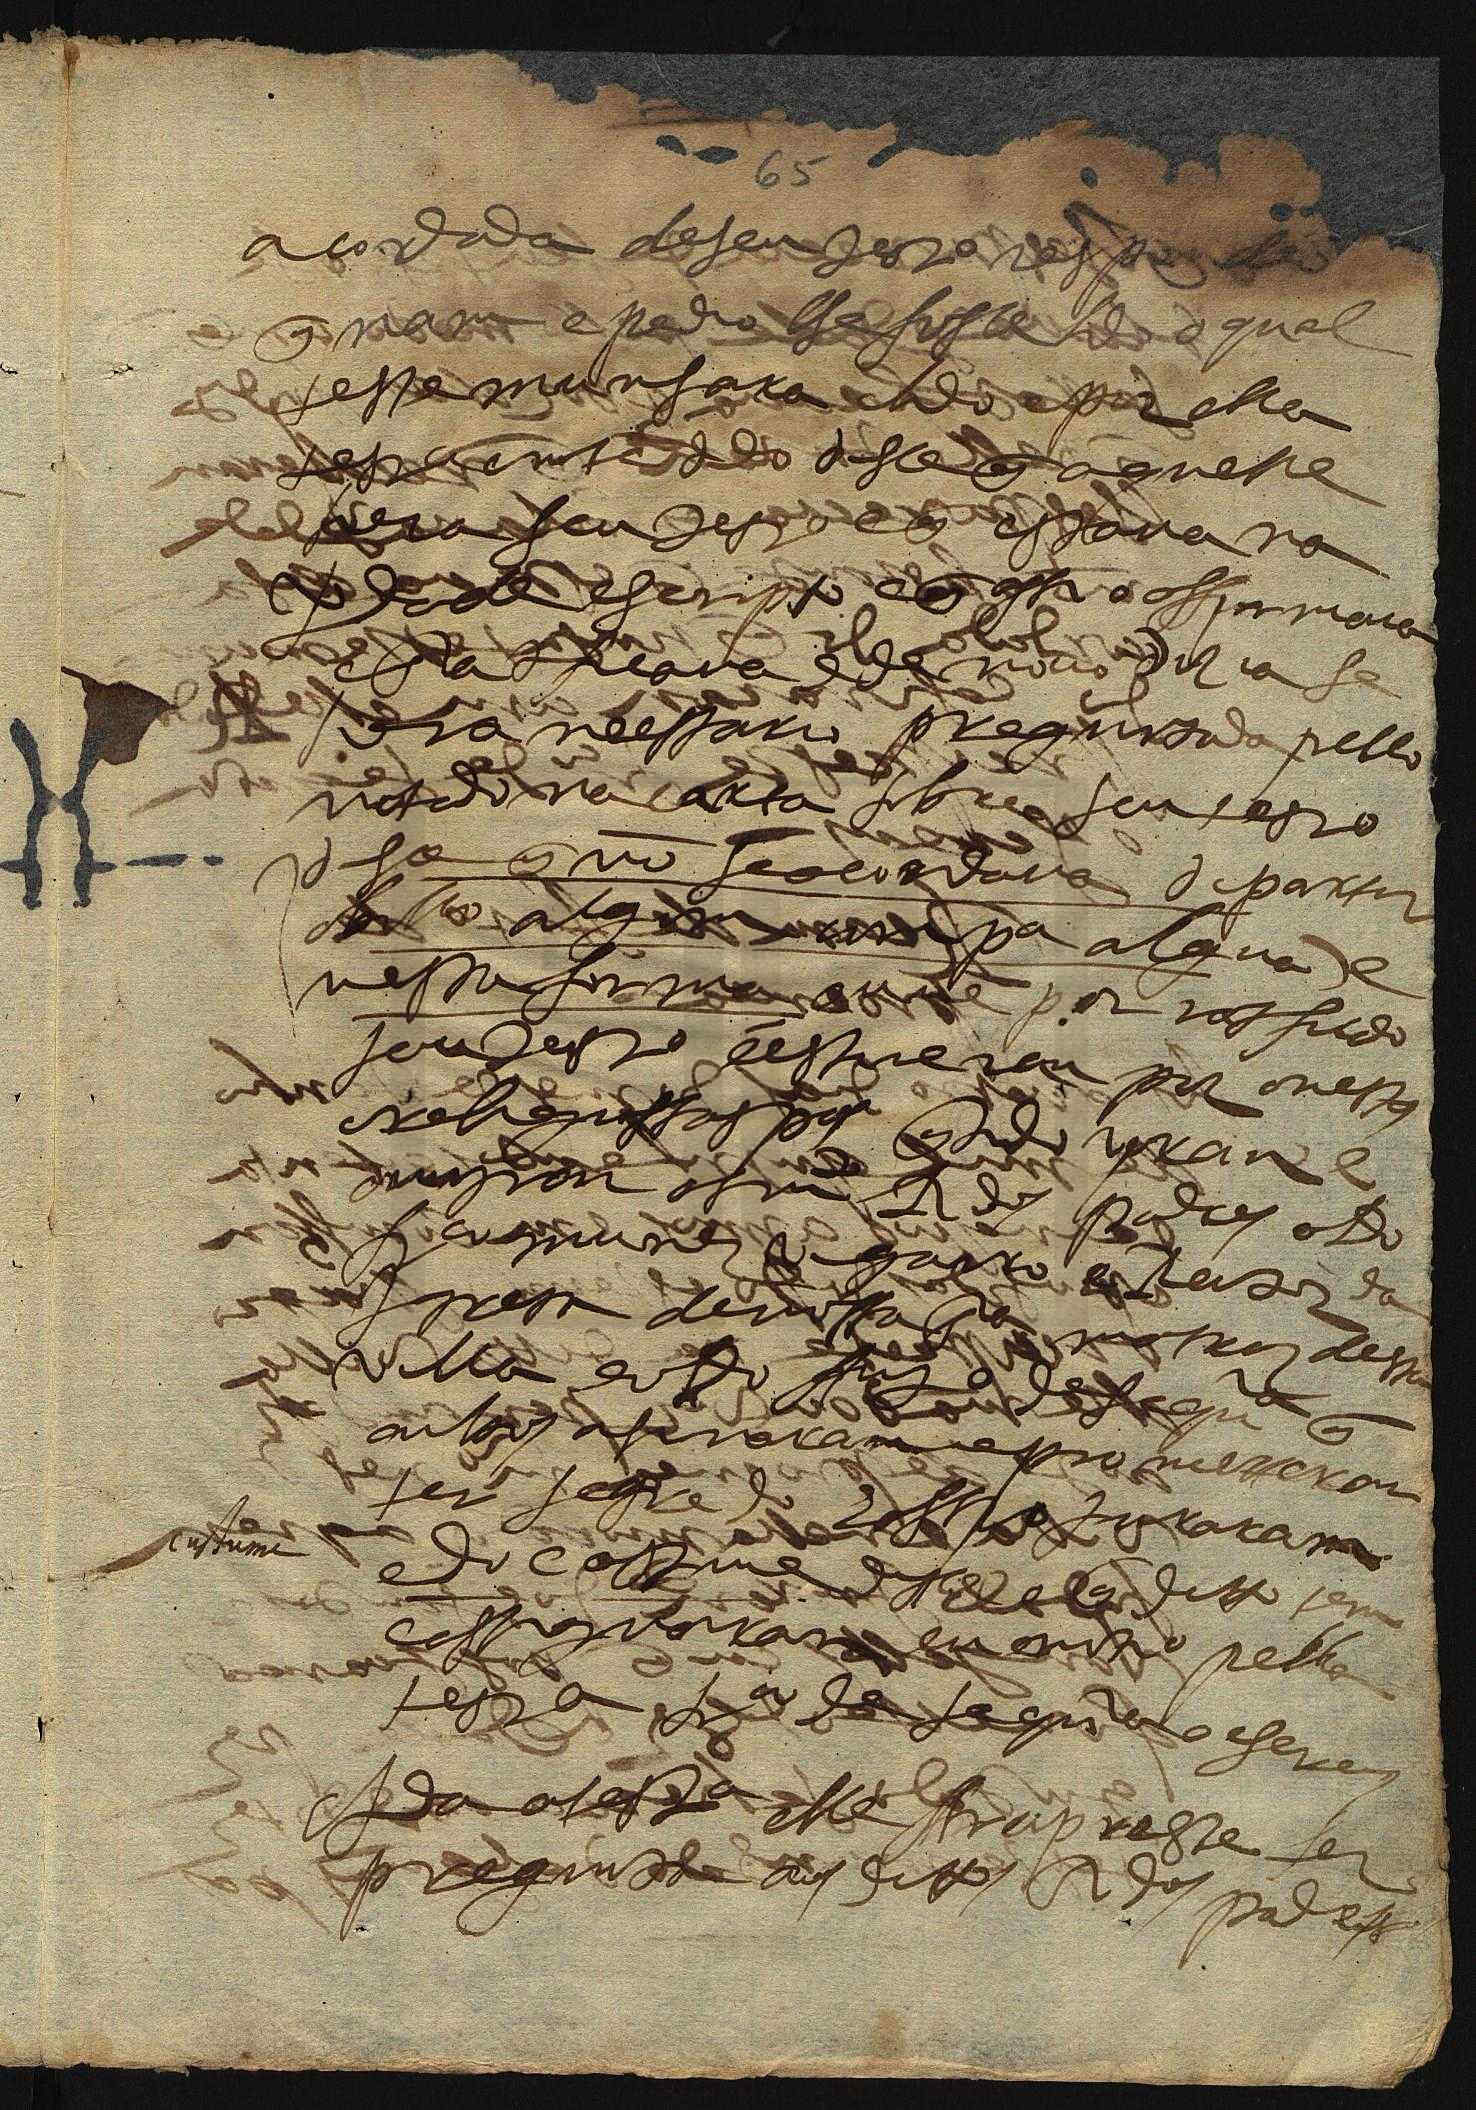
acordada de seu testo respondeo
q̄ nam e pedio lhe fosse lido o qual
testemunhara lido e por ella
testa emtēdido disse q̄ aquelle
fora seu testo e q̄ estaua na
ꝟdade escripto e q̄ assi o affjrmaua
e Rateficaua e de nouo dizia se
fora necessario preguntado pello
notado na carta sobre seu testo
dise q̄ nō se acordaua de partir
o bollo algum com pa alguā e
nesta forma ouue p.or ratficado
seu testo e estiueron por onestas
e religiosas pas q̄ tudo vjram e
ouujron os mtoo Rdos padres o Dr
frco munez vigairo e Reitor da
Jgreja de nossa sra matriz desta
villa e o Dr Anto de sequra q̄
anbos asinaram e prometteron
ter segredo E assj o Juraram
custume
e do costume disse o q̄ ditto tem
e assignaram eu notro pella
testa frco de sequra o escreuj
E Jda a testa elle Arcipreste fez
pregunta aos dittos Rdos padres
